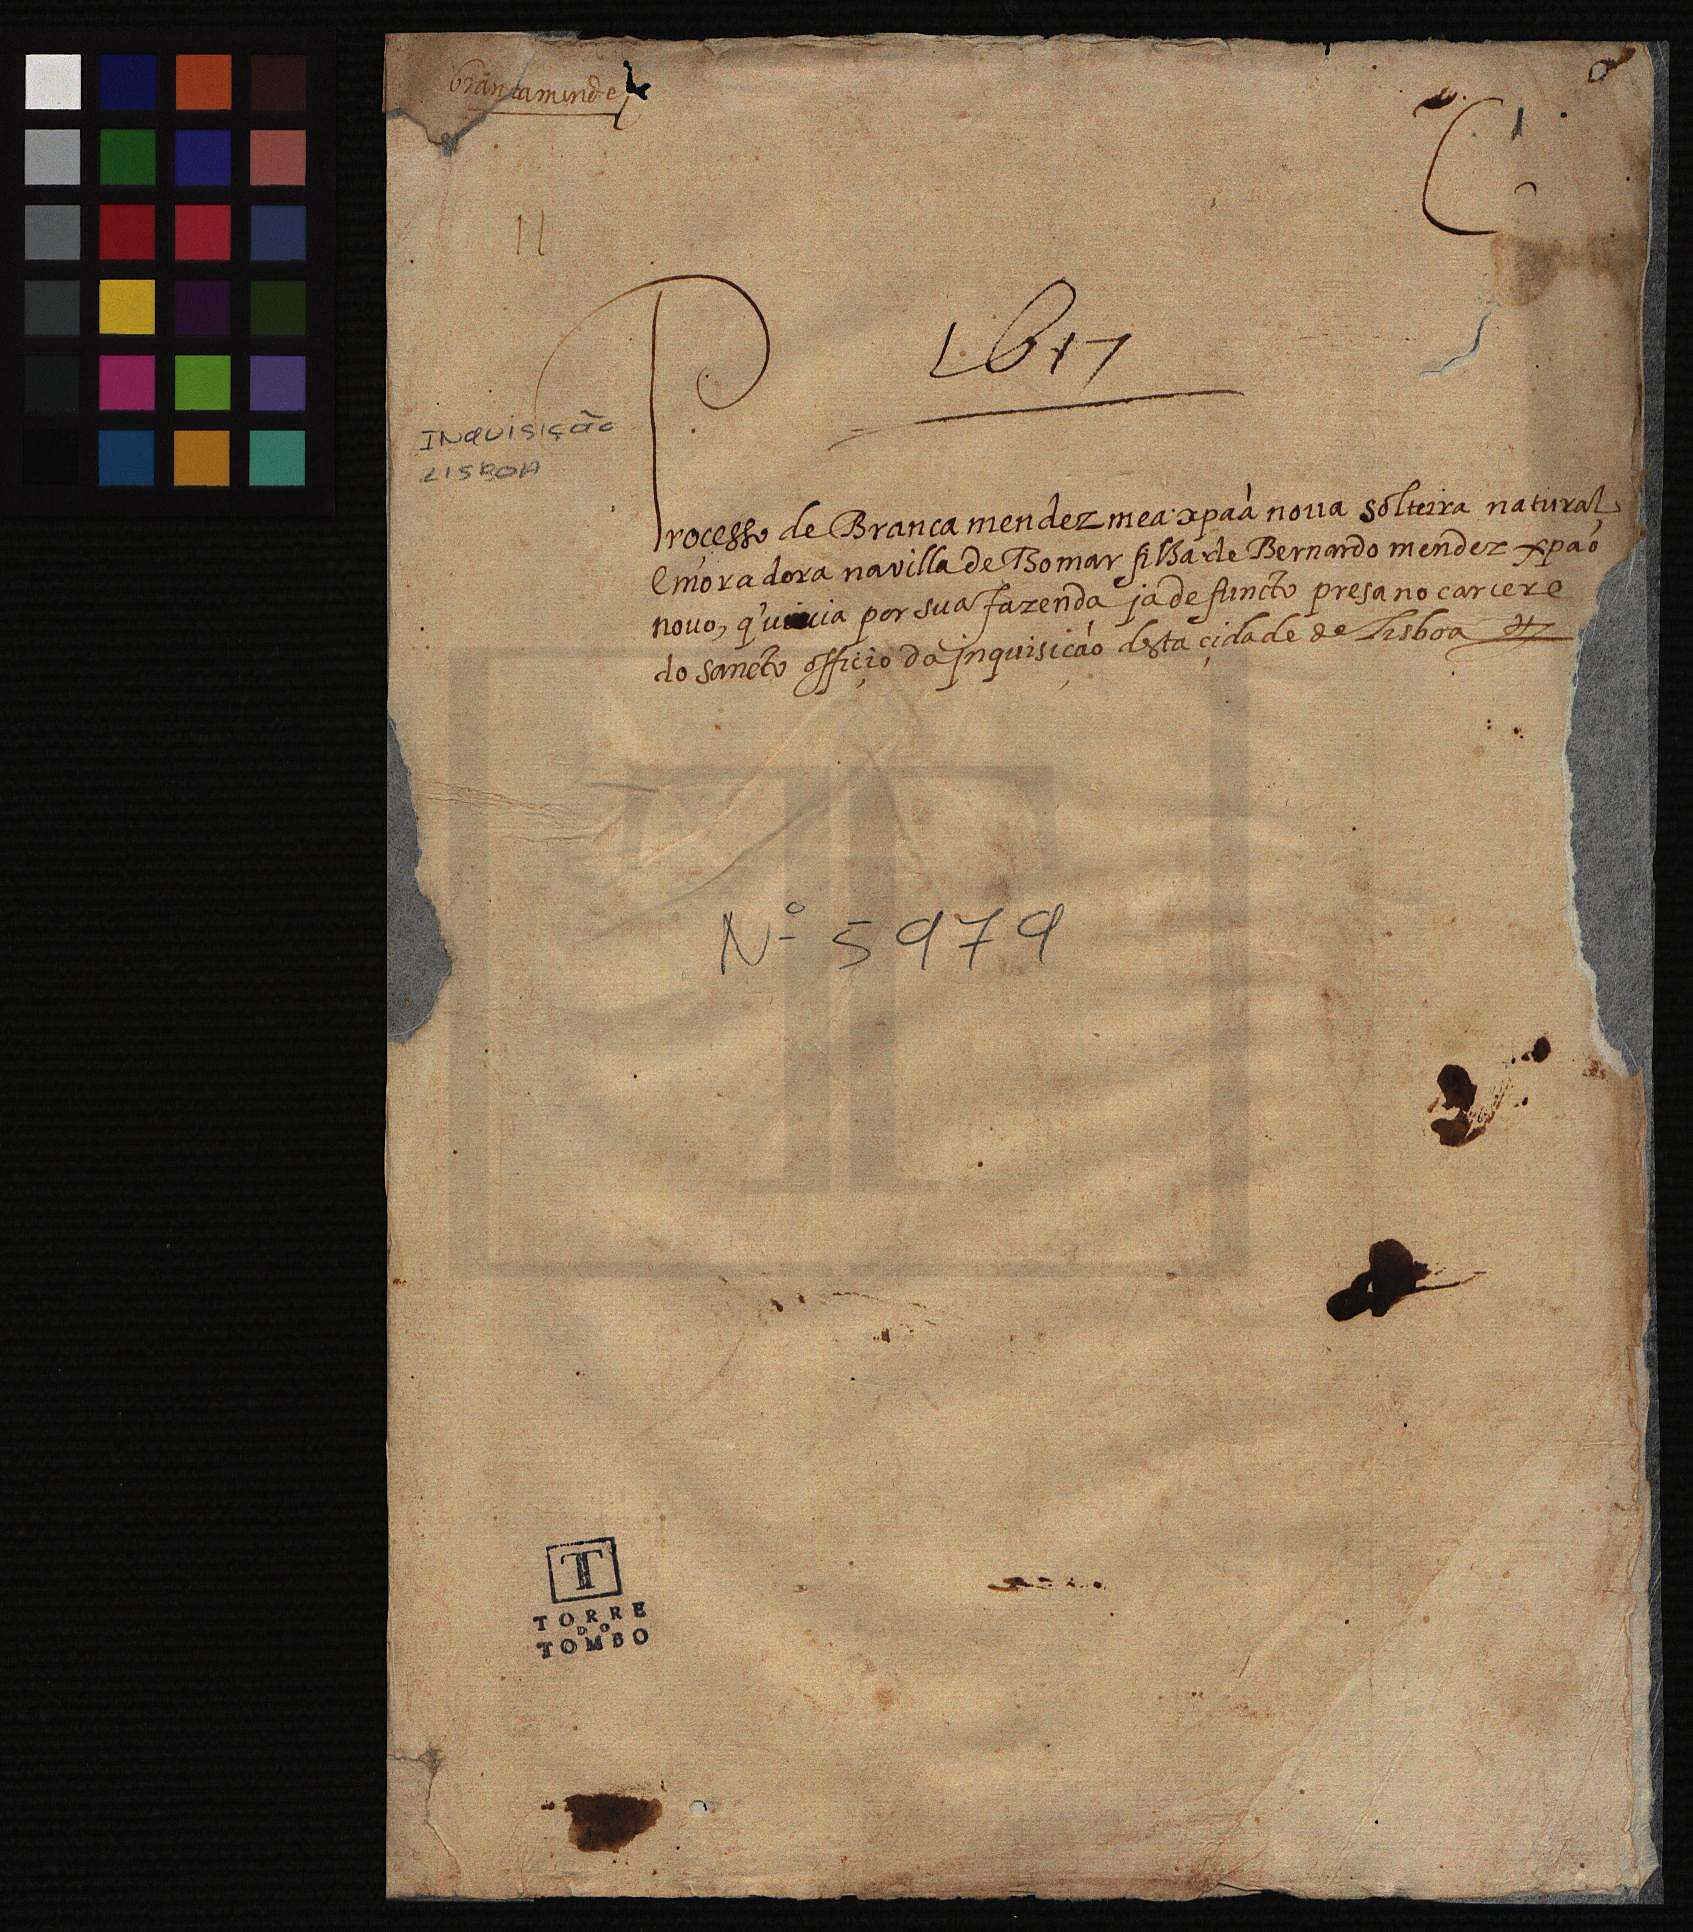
1617
Processo de Branca mendez mea xpaā noua solteira natural
e moradora na villa de Thomar filha de Bernardo mendez xpaõ
nouo, q̄ uiuia por sua fazenda ja defuncto presa no carcere
do sancto officio da Jnquisiçaõ desta cidade de Lisboa ttꝭ
